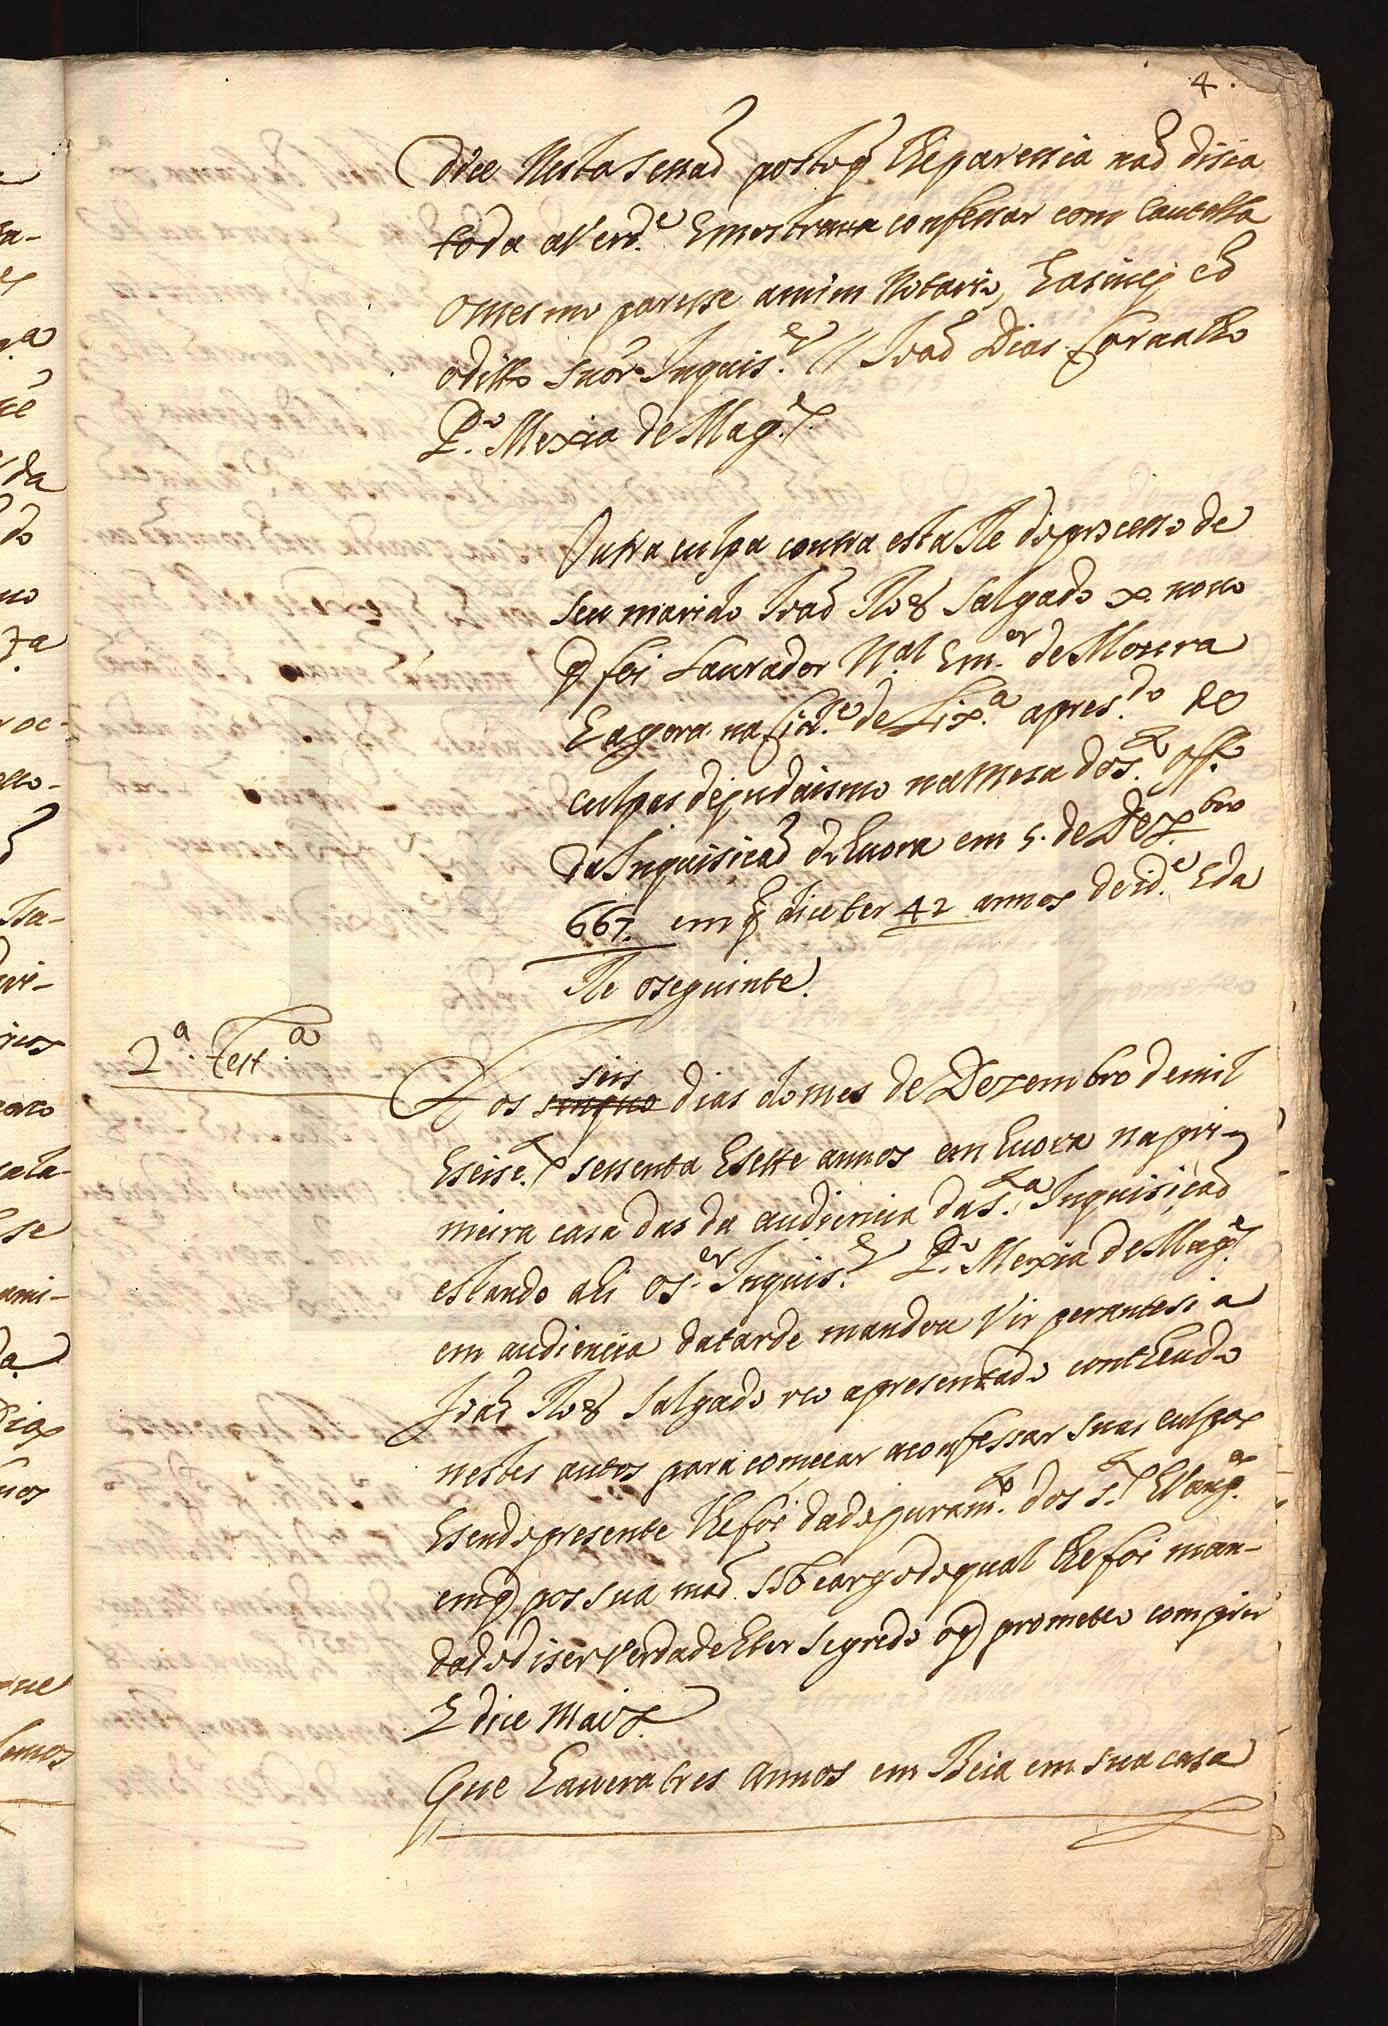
dice Nesta sessão posto q̄ lhe parecia naõ disia
toda a verd.e E mostraua confessar com cautella
o mesmo paresse a mim notario, E asinej cō
o ditto snor̄ Inquis.or // Ioão Dias Carualho
P.o Mexia de Mag.es
Outra culpa contra esta Re do processo de
seu marido Ioaõ Roes̄ salgado x. nouo
q̄ foi Laurador N.al E m.or de Moura
E agora na Cid.e de Lix.a apres.do de
culpas de judaismo na mesa do s.to off.o
da Inquisição de Euora em 5. de Dez.bro
667. em q̄ dice ter 42 annos de id.e E da
Re o seguinte.
2a test.a
Aos sinquo
seis
dias do mes de Dezembro de mil
E seisc.tos sessenta E sette annos em Euora na pri
meira casa das da audiencia da s.ta Inquisição
estando ahi o s.or Inquis.or P.o Mexia de Mag.es
em audiencia da tarde mandou Vir perante si a
Joaõ Roes̄ Salgado reo apresentado contheudo
nestes autos para começar a confessar suas culpas
E sendo presente lhe foi dado juram.to dos s.tos Evang.os
em q̄ pos sua maõ sob cargo do qual lhe foi man
dado diser verdade E ter segredo o q̄ prometeo comprir
E dice mais
Que hauera tres annos em Beia em sua casa
